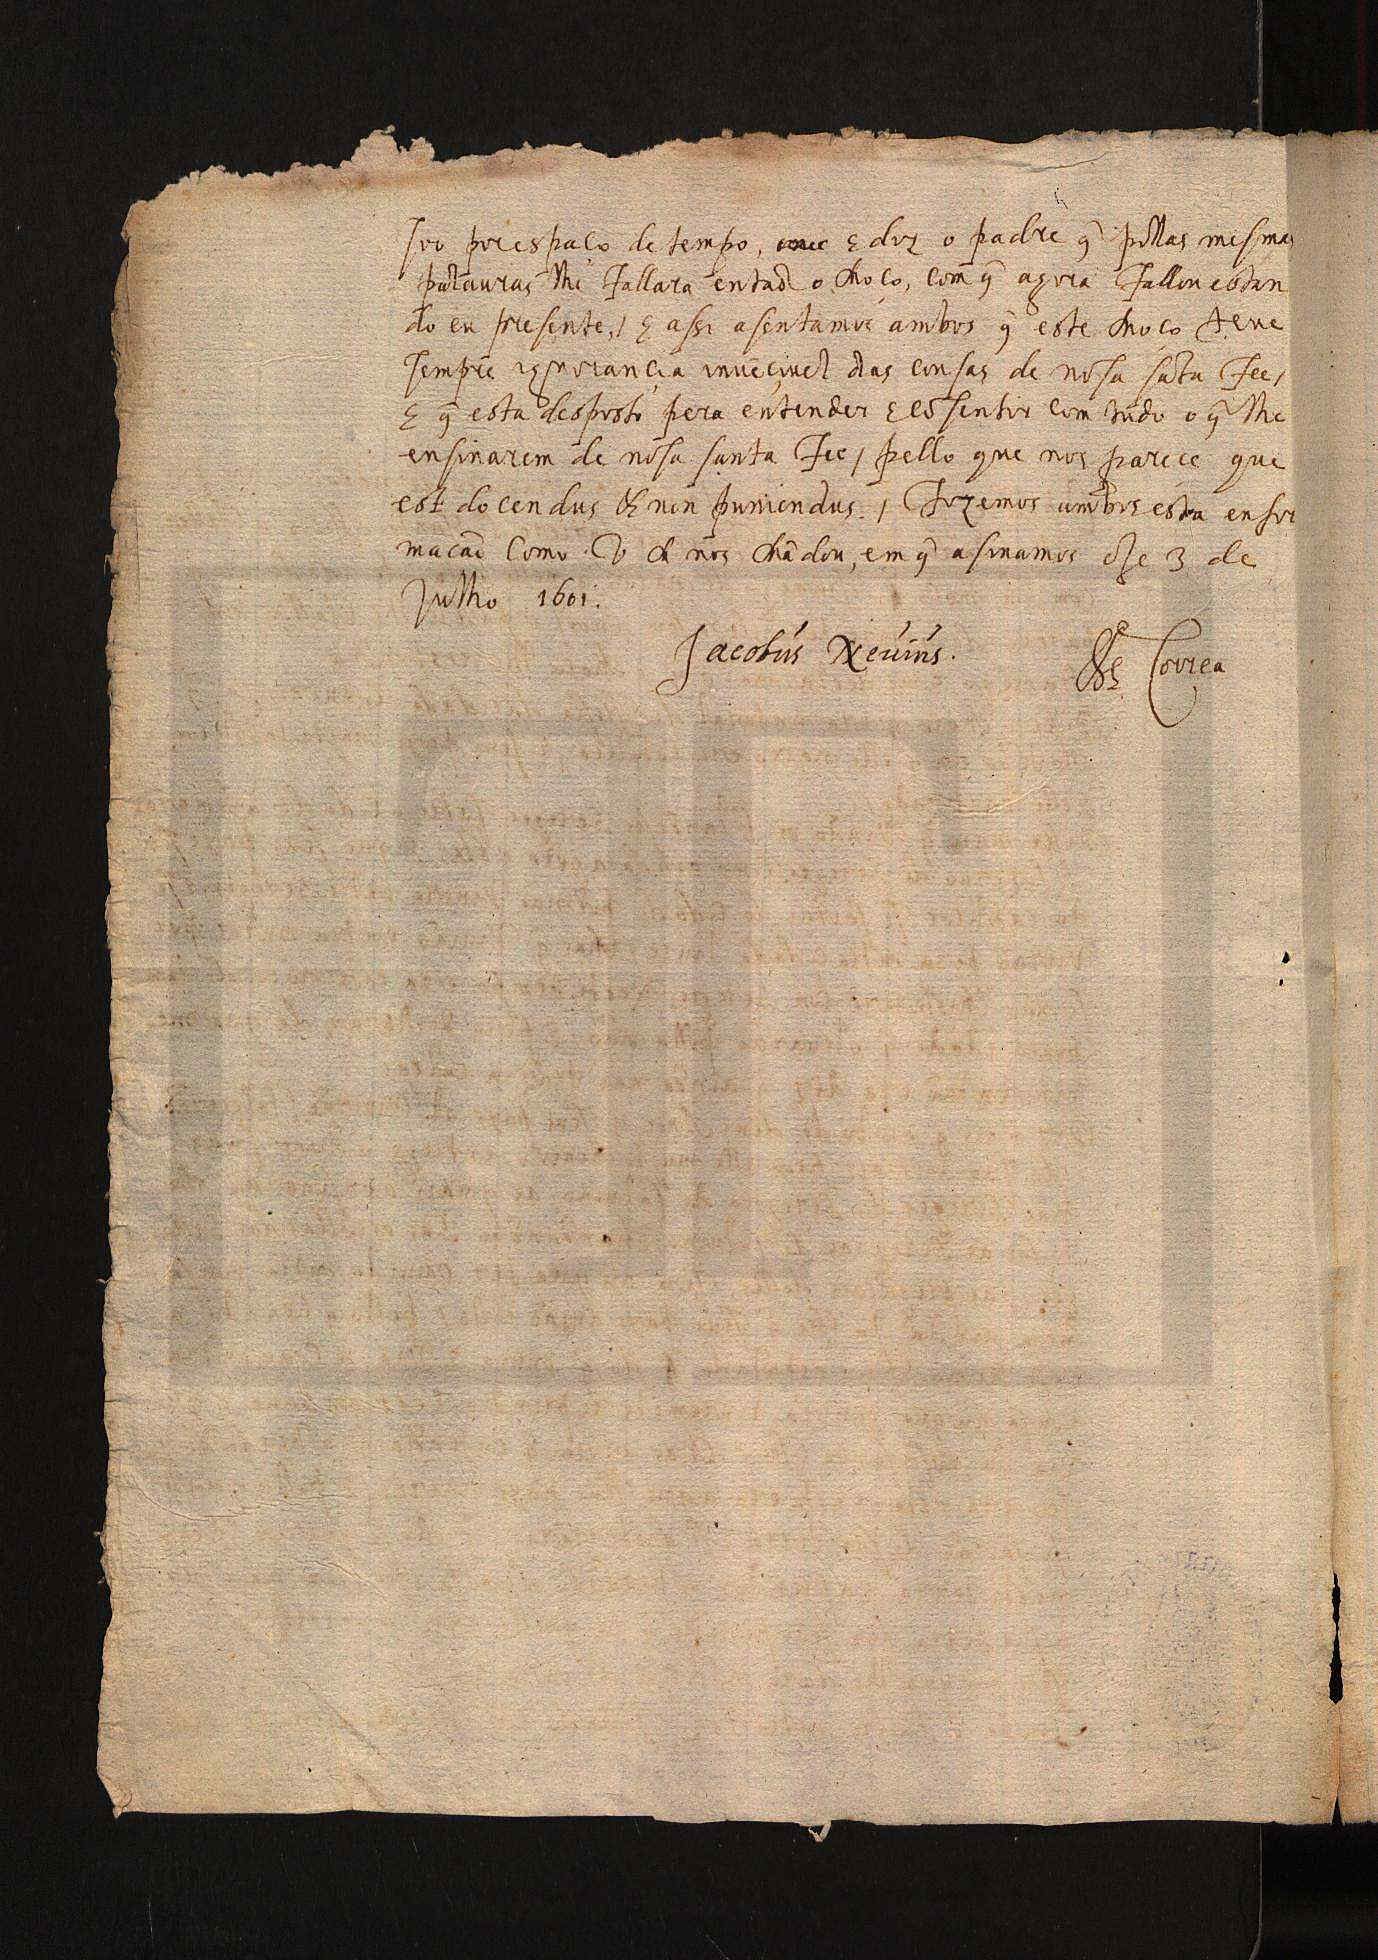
soo por espaço de tempo, _ E diz o padre q̄ pellas mesma
palauras lhe fallara entaõ o Moço, com q̄ agora fallou estan
do eu presente, / E assi asentamos ambos q̄ este Moço teue
sempre ignorancia inuēciuel das cousas de nossa sāta fee,
E q̄ esta desposto pera entender E cōsentir com tudo o q̄ lhe
ensinarem de nosa santa fee / pello que nos parece que
est docendus & non puniendus / fizemos ambos esta enfor
mação como V A nos Mādou em q̄ asinamos oJe 3 de
Julho 1601.
Jacobus Neuins.
Correa
